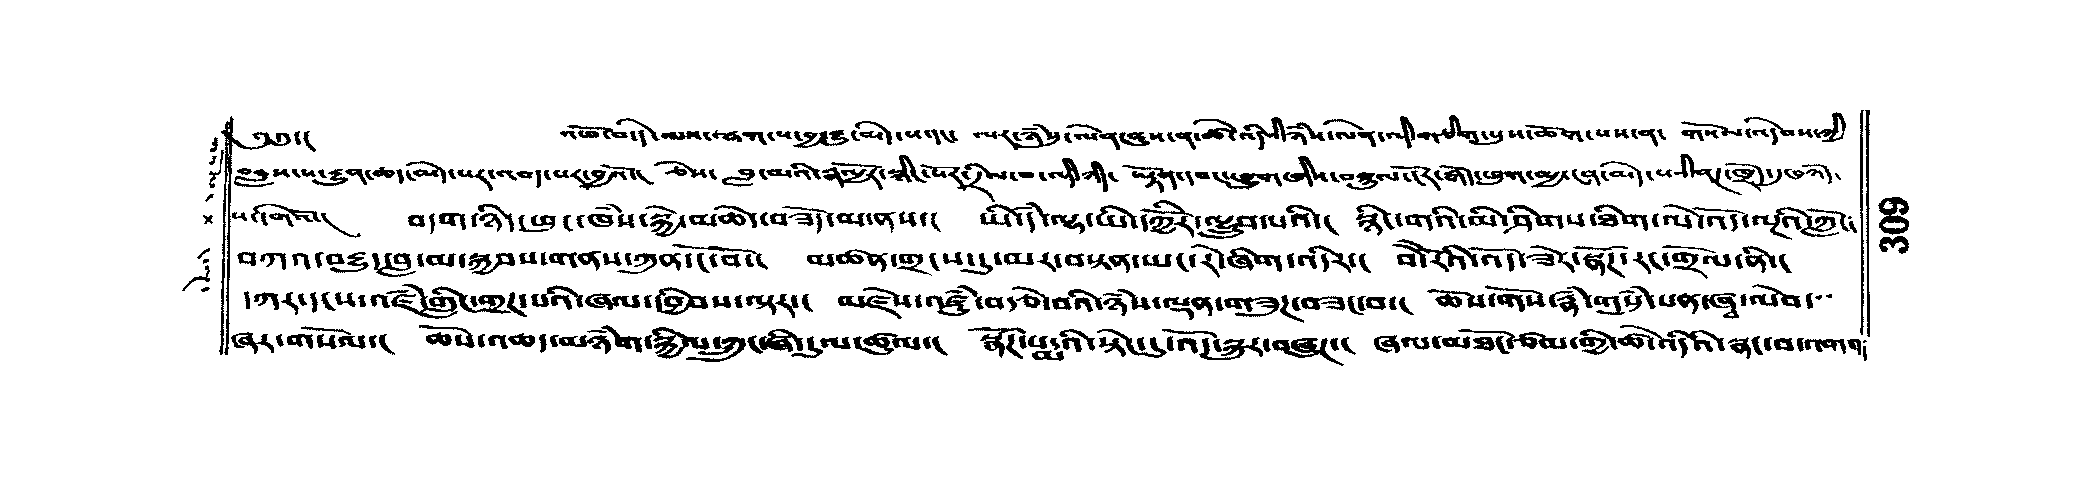འཕོ་བ་དེ་ལས་ལྷག་པ་བྱ་རྒྱུ་མེད་པ་དང་། ལར་ཉམས་སུ་ལེན་ནུས་ཚེ་འདིའི་ཉམས་ལེན་འདི་གཅིག་པུས་ཆོག་པས་ན། གསོལ་འདེབས་ཀྱི་
བཟླས་པ་རྒྱུན་ཆད་མེད་པར་འབད་པར་བྱའོ། ཞེས་བླ་མའི་རྣལ་འབྱོར་སྙིང་པོར་དྲིལ་བ་འདི་ཉིད་ཡོན་ཏན་དབང་ཕྱུག་གིས་བསྐུལ་ངོར་རྒོད་ཕུག་མྱ་ངན་མེད་པའི་ནགས་ཁྲོད་དུ་བཀོད་
པ་དགེའོ།། བདག་ཉིད་ཕུང་ཁམས་སྐྱེ་མཆེད་བཟོད་མ་ནས། །ཡི་དམ་ལྷ་ཡི་དཀྱིལ་འཁོར་ལྷུན་གྲུབ་པའི། །སྙིང་གའི་མི་ཤིགས་ཐིག་ལེ་འོད་ལྔའི་ཀློང་། །
བཀའ་བརྒྱུད་བླ་མ་སྐྱབས་གནས་ཀུན་ངོ་བོ། །མཚན་གྲངས་དུ་མར་བསྟན་ཡང་རེ་ཞིག་འདིར། །བཻ་རོའི་འོད་ཟེར་སྣ་ཚོགས་རང་གྲོལ་ནི། །
དཀར་དྭངས་འཛམ་གླིང་གྲགས་པའི་ཞལ་དབྱིབས་ལྟར། །མཛེས་འཛུམ་བརྩེ་བའི་ཉམས་ལྡན་གཟུགས་བཟང་བ། །ཆོས་གོས་རྣམ་གསུམ་པན་ཞྭ་ལེབ་
ཞར་གསོལ། །ཆོས་འཆད་མཉམ་བཞག་སྐྱིལ་ཀྲུང་ཞི་དུལ་ཚུལ། །སྣ་ཚོགས་པདྨའི་སྟེང་དུ་འོད་སྐུར་བཞུགས། །ཞལ་མཐོང་ཙམ་གྱི་ཚེ་འདིའི་སྣང་བ་འགག